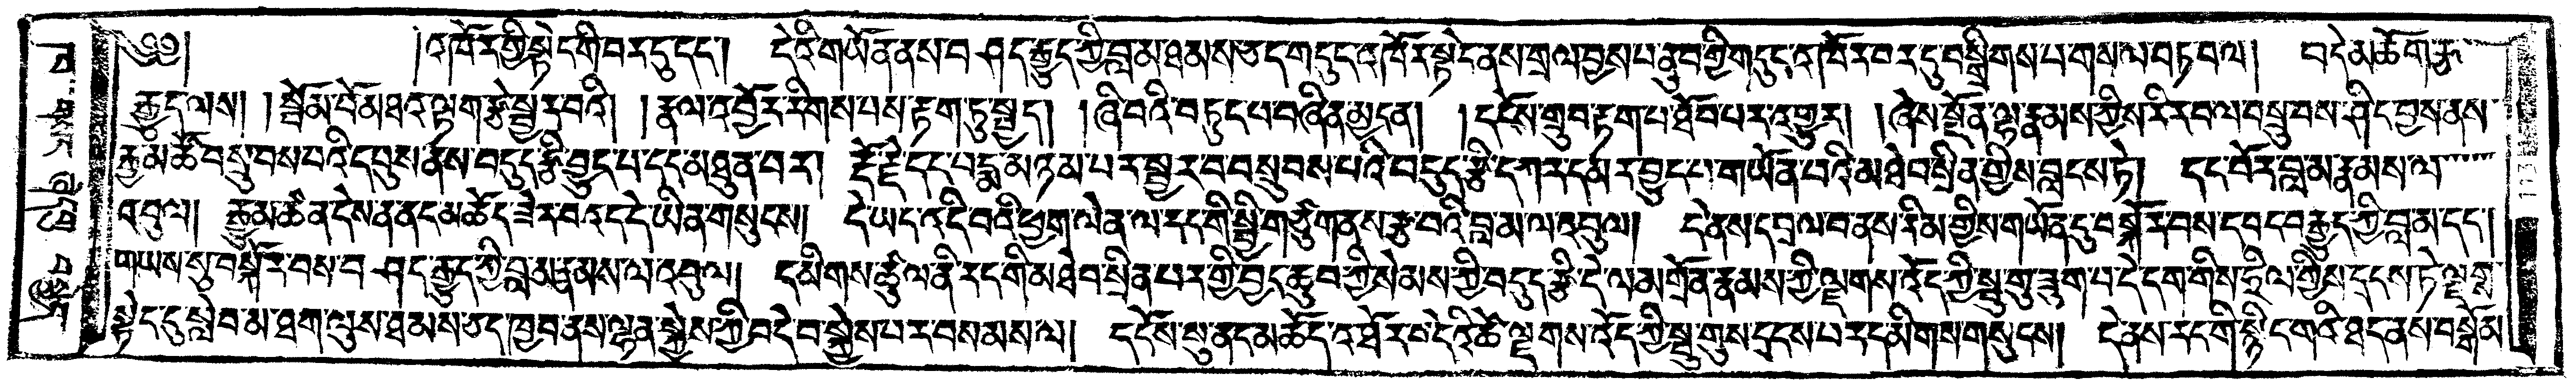༄༅། །འཁོར་གྱི་སྟེང་གི་བར་དུ་དང་། དེའི་གཡོན་ནས་བཤད་རྒྱུད་ཀྱི་བླ་མ་ཐམས་ཅད་གདུང་འཁོར་སྟེང་ནས་གྲལ་བྱས་པ་ནུབ་གྱི་གདུང་འཁོར་བར་དུ་བསྒྲིགས་པ་གསལ་བཏབ་ལ། བདེ་མཆོག་རྩ་
རྒྱུད་ལས། །སྦོམ་བོ་མཐའ་ལྟག་རྩེ་སྦྱར་བའི། །རྣལ་འབྱོར་རིགས་པས་རྟག་ཏུ་སྤྱད། །ཞི་བའི་བཏུང་པ་བཞིན་མྱ་ངན། །དངོས་གྲུབ་རྟག་པ་ཐོབ་པར་འགྱུར། །ཞེས་སྔོན་ལྷ་རྣམས་ཀྱིས་རི་རབ་ལ་བསྲུབས་ཤིང་བྱས་ནས་
རྒྱ་མཚོ་བསྲུབས་པའི་དབུས་ནས་བདུད་རྩི་བྱུང་པ་དང་མཐུན་བར། རྡོ་རྗེ་དང་པདམ་མཉམ་པར་སྦྱར་བ་བསྲུབས་པའི་བདུད་རྩི་དཀར་དམར་བྱུང་པ་གཡོན་པའི་མཐེབ་སྲིན་གྱིས་བླངས་ཏེ། དང་པོར་བླ་མ་རྣམས་ལ་
འབུལ། རྒྱུ་མཚན་དེས་ན་ནང་མཆོད་ཟེར་བའང་དེ་ཡིན་གསུངས། དེ་ཡང་འདི་བའི་ཕྱག་ལེན་ལ་རང་གི་སྤྱི་གཙུག་ནས་རྩ་བའི་བླ་མ་ལ་འབུལ། དེ་ནས་དཔྲལ་བ་ནས་རིམ་གྱིས་གཡོན་དུ་བསྐོར་བས་དབང་བརྒྱུད་ཀྱི་བླ་མ་དང་།
གཡས་སུ་བསྐོར་བས་བཤད་རྒྱུད་ཀྱི་བླ་མ་རྣམས་ལ་འབུལ། དམིགས་ཚུལ་ནི་རང་གི་མཐེབ་སྲིན་པར་གྱི་བྱང་ཆུབ་ཀྱི་སེམས་ཀྱི་བདུད་རྩི་དེ་ལ་མགྲོན་རྣམས་ཀྱི་ལྗགས་འོད་ཀྱི་སྤུ་གུ་ཟུག་པ་དེ་དག་གིས་ཧྲིལ་གྱིས་དྲངས་ཏེ་ལྗགས་
སྟེང་དུ་སླེབ་མ་ཐག་ལུས་ཐམས་ཅད་ཁྱབ་ནས་ལྷན་སྐྱེས་ཀྱི་བདེ་བ་སྐྱེས་པར་བསམས་ལ། དངོས་སུ་ནང་མཆོད་འཐོར་བ་དེའི་ཚེ་ལྗགས་འོད་ཀྱི་སྤུ་གུས་དྲངས་པར་དམིགས་གསུངས། དེ་ནས་རང་གི་སྙིང་གའི་ཐད་ནས་བསྒོམ་